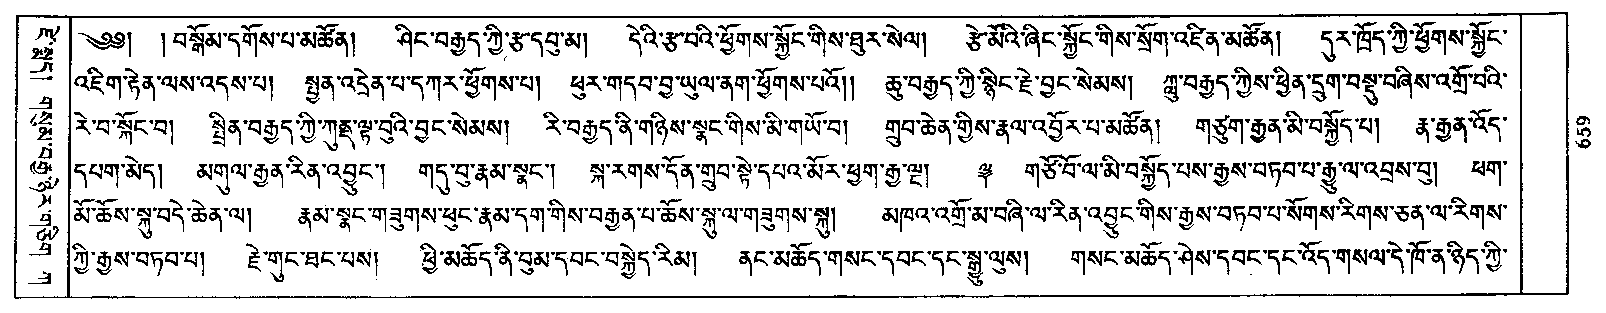༄༅། །བསྒོམ་དགོས་པ་མཚོན། ཤིང་བརྒྱད་ཀྱི་རྩ་དབུ་མ། དེའི་རྩ་བའི་ཕྱོགས་སྐྱོང་གིས་ཐུར་སེལ། རྩེ་མོའི་ཞིང་སྐྱོང་གིས་སྲོག་འཛིན་མཚོན། དུར་ཁྲོད་ཀྱི་ཕྱོགས་སྐྱོང་
འཇིག་རྟེན་ལས་འདས་པ། སྤྱན་འདྲེན་པ་དཀར་ཕྱོགས་པ། ཕུར་གདབ་བྱ་ཡུལ་ནག་ཕྱོགས་པའོ།། ཆུ་བརྒྱད་ཀྱི་སྙིང་རྗེ་བྱང་སེམས། ཀླུ་བརྒྱད་ཀྱིས་ཕྱིན་དྲུག་བསྡུ་བཞིས་འགྲོ་བའི་
རེ་བ་སྐོང་བ། སྤྲིན་བརྒྱད་ཀྱི་ཀུནྡ་ལྟ་བུའི་བྱང་སེམས། རི་བརྒྱད་ནི་གཉིས་སྣང་གིས་མི་གཡོ་བ། གྲུབ་ཆེན་གྱིས་རྣལ་འབྱོར་པ་མཚོན། གཙུག་རྒྱན་མི་བསྐྱོད་པ། རྣ་རྒྱན་འོད་
དཔག་མེད། མགུལ་རྒྱན་རིན་འབྱུང་། གདུ་བུ་རྣམ་སྣང་། སྐ་རགས་དོན་གྲུབ་སྟེ་དཔའ་མོར་ཕྱག་རྒྱ་ལྔ། ༈ གཙོ་བོ་ལ་མི་བསྐྱོད་པས་རྒྱས་བཏབ་པ་རྒྱུ་ལ་འབྲས་བུ། ཕག་
མོ་ཆོས་སྐུ་བདེ་ཆེན་ལ། རྣམ་སྣང་གཟུགས་ཕུང་རྣམ་དག་གིས་བརྒྱན་པ་ཆོས་སྐུ་ལ་གཟུགས་སྐུ། མཁའ་འགྲོ་མ་བཞི་ལ་རིན་འབྱུང་གིས་རྒྱས་བཏབ་པ་སོགས་རིགས་ཅན་ལ་རིགས་
ཀྱི་རྒྱས་བཏབ་པ། རྗེ་གུང་ཐང་པས། ཕྱི་མཆོད་ནི་བུམ་དབང་བསྐྱེད་རིམ། ནང་མཆོད་གསང་དབང་དང་སྒྱུ་ལུས། གསང་མཆོད་ཤེས་དབང་དང་འོད་གསལ་དེ་ཁོ་ན་ཉིད་ཀྱི་